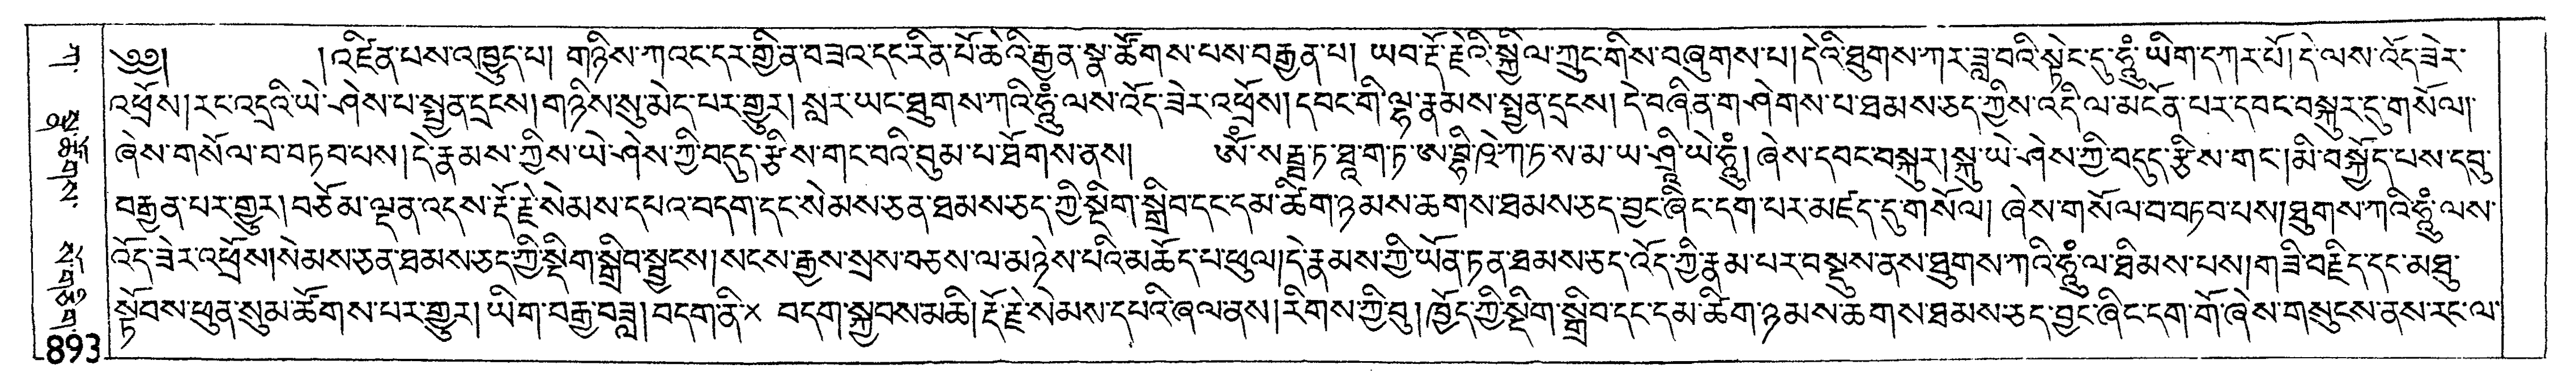༄༅། །འཛིན་པས་འཁྱུད་པ། གཉིས་ཀའང་དར་གྱི་ན་བཟའ་དང་རིན་པོ་ཆེའི་རྒྱན་སྣ་ཚོགས་པས་བརྒྱན་པ། ཡབ་རྡོ་རྗེའི་སྐྱིལ་ཀྲུང་གིས་བཞུགས་པ། དེའི་ཐུགས་ཀར་ཟླ་བའི་སྟེང་དུ་ཧཱུཾ་ཡིག་དཀར་པོ། དེ་ལས་འོད་ཟེར་
འཕྲོས། རང་འདྲའི་ཡེ་ཤེས་པ་སྤྱན་དྲངས། གཉིས་སུ་མེད་པར་གྱུར། སླར་ཡང་ཐུགས་ཀའི་ཧཱུཾ་ལས་འོད་ཟེར་འཕྲོས། དབང་གི་ལྷ་རྣམས་སྤྱན་དྲངས། དེ་བཞིན་གཤེགས་པ་ཐམས་ཅད་ཀྱིས་འདི་ལ་མངོན་པར་དབང་བསྐུར་དུ་གསོལ།
ཞེས་གསོལ་བ་བཏབ་པས། དེ་རྣམས་ཀྱིས་ཡེ་ཤེས་ཀྱི་བདུད་རྩིས་གང་བའི་བུམ་པ་ཐོགས་ནས། ཨོཾ་སརྦྦ་ཏ་ཐཱ་ག་ཏ་ཨ་བྷི་ཥེ་ཀ་ཏ་ས་མ་ཡ་ཤྲཱི་ཡེ་ཧཱུཾ། ཞེས་དབང་བསྐུར། སྐུ་ཡེ་ཤེས་ཀྱི་བདུད་རྩིས་གང་། མི་བསྐྱོད་པས་དབུ་
བརྒྱན་པར་གྱུར། བཅོམ་ལྡན་འདས་རྡོ་རྗེ་སེམས་དཔའ་བདག་དང་སེམས་ཅན་ཐམས་ཅད་ཀྱི་སྡིག་སྒྲིབ་དང་དམ་ཚིག་ཉམས་ཆགས་ཐམས་ཅད་བྱང་ཞིང་དག་པར་མཛད་དུ་གསོལ། ཞེས་གསོལ་བ་བཏབ་པས། ཐུགས་ཀའི་ཧཱུཾ་ལས་
འོད་ཟེར་འཕྲོས། སེམས་ཅན་ཐམས་ཅད་ཀྱི་སྡིག་སྒྲིབ་སྦྱངས། སངས་རྒྱས་སྲས་བཅས་ལ་མཉེས་པའི་མཆོད་པ་ཕུལ། དེ་རྣམས་ཀྱི་ཡོན་ཏན་ཐམས་ཅད་འོད་ཀྱི་རྣམ་པར་བསྡུས་ནས་ཐུགས་ཀའི་ཧཱུཾ་ལ་ཐིམས་པས། གཟི་བརྗིད་དང་མཐུ་
སྟོབས་ཕུན་སུམ་ཚོགས་པར་གྱུར། ཡིག་བརྒྱ་བཟླ། བདག་ནི་྾་བདག་སྐྱབས་མཆི། རྡོ་རྗེ་སེམས་དཔའི་ཞལ་ནས། རིགས་ཀྱི་བུ། ཁྱོད་ཀྱི་སྡིག་སྒྲིབ་དང་དམ་ཚིག་ཉམས་ཆགས་ཐམས་ཅད་བྱང་ཞིང་དག་གོ་ཞེས་གསུངས་ནས་རང་ལ་